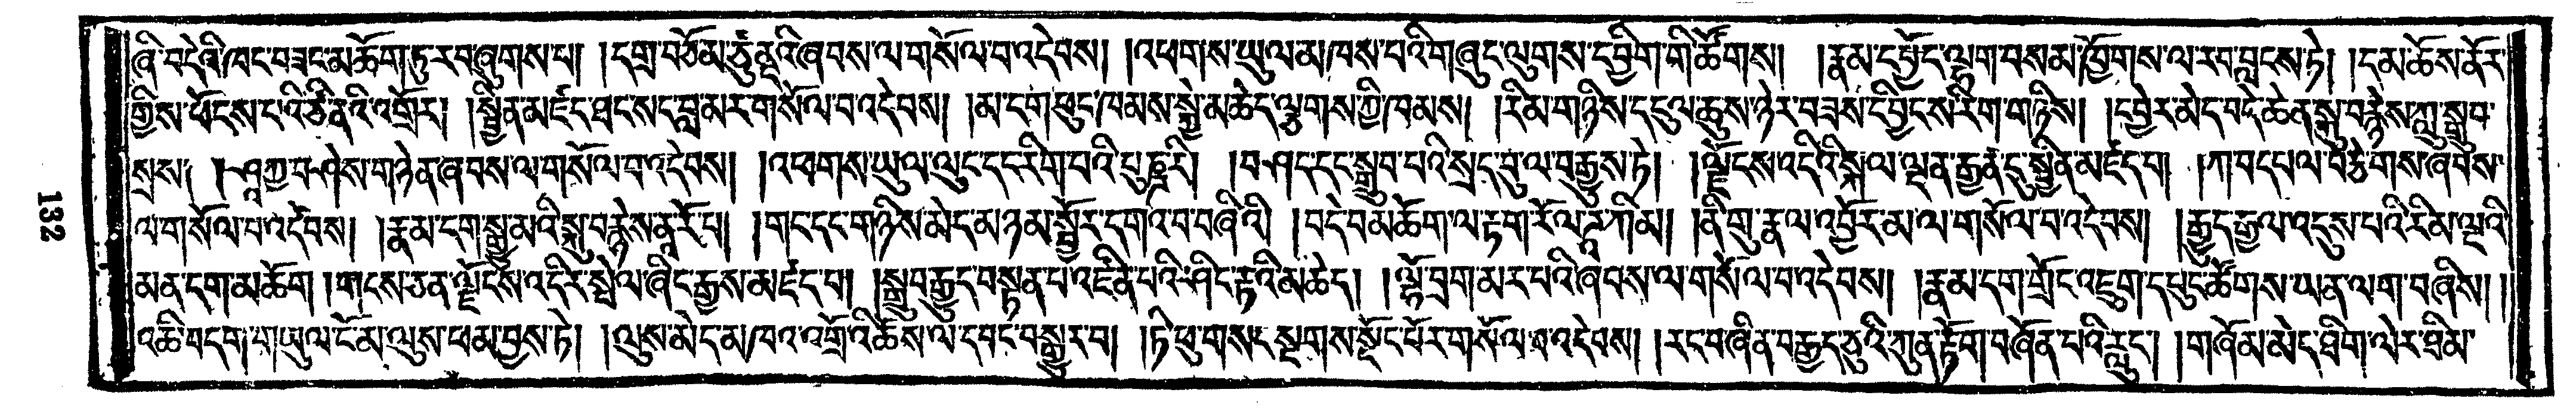ཞི་བདེའི་ཁང་བཟང་མཆོག་ཏུ་རབ་ཞུགས་པ། །དགྲ་བཅོམ་ཙུནྡའི་ཞབས་ལ་གསོལ་བ་འདེབས། །འཕགས་ཡུལ་མཁས་པའི་གཞུང་ལུགས་དབྱིག་གི་ཚོགས། །རྣམ་དཔྱོད་ལྷག་བསམ་ཁྱོགས་ལ་རབ་བླངས་ཏེ། །དམ་ཆོས་ནོར་
གྱིས་ཕོངས་པའི་ཙི་ནའི་འགྲོར། །སྦྱིན་མཛད་ཐང་སང་བླ་མར་གསོལ་བ་འདེབས། །མ་དག་ཕུང་ཁམས་སྐྱེ་མཆེད་ལྕགས་ཀྱི་ཁམས། །རིམ་གཉིས་དངུལ་ཆུས་ཉེར་བཟས་དབྱིངས་རིག་གཉིས། །དབྱེར་མེད་བདེ་ཆེན་སྐུ་བརྙེས་ཀླུ་སྒྲུབ་
སྲས༑ །ཤཱཀྱ་བཤེས་གཉེན་ཞབས་ལ་གསོལ་བ་འདེབས། །འཕགས་ཡུལ་ལུང་དང་རིག་པའི་པུཎྜ་རི། །བཤད་དང་སྒྲུབ་པའི་སྲད་བུ་ལ་བརྒྱུས་ཏེ། །ལྗོངས་འདིའི་སྐལ་ལྡན་རྒྱན་དུ་སྤྱིན་མཛད་པ། །ཀ་བ་དཔལ་བརྩེགས་ཞབས་
ལ་གསོལ་བ་འདེབས། །རྣམ་དག་སྒྱུ་མའི་སྐུ་བརྙེས་ནཱ་རོ་པ། །གང་དང་གཉིས་མེད་མཉམ་སྦྱོར་དགའ་བ་བཞིའི། །བདེ་བ་མཆོག་ལ་རྟག་རོལ་ལ་ཌཱ་ཀི་མ། །ནི་གུ་རྣལ་འབྱོར་མ་ལ་གསོལ་བ་འདེབས། །རྒྱུད་རྒྱལ་འདུས་པའི་རིམ་ལྔའི་
མན་དག་མཆོག །གངས་ཅན་ལྗོངས་འདིར་སྤེལ་ཞིང་རྒྱས་མཛད་པ། །སྒྲུབ་རྒྱུད་བསྟན་པ་འཛིན་པའི་ཤིང་རྟའི་མཆེད། །ལྷོ་བྲག་མར་པའི་ཞབས་ལ་གསོལ་བ་འདེབས། །རྣམ་དག་གྲོང་འཇུག་དཔུང་ཚོགས་ཡན་ལག་བཞིས། །
འཆི་བདག་གཡུལ་ངོ་མ་ལུས་ཕམ་བྱས་ཏེ། །ལུས་མེད་མཁའ་འགྲོའི་ཚེས་ལ་དབང་བསྒྱུར་བ། །ཏི་ཕུ་གསང་སྔགས་སྡོང་པོར་གསོལ་བ་འདེབས། །རང་བཞིན་བརྒྱད་བཅུའི་ཀུན་རྟོག་བཞོན་པའི་རླུང་། །གཞོམ་མེད་ཐིག་ལེར་ཐིམ་